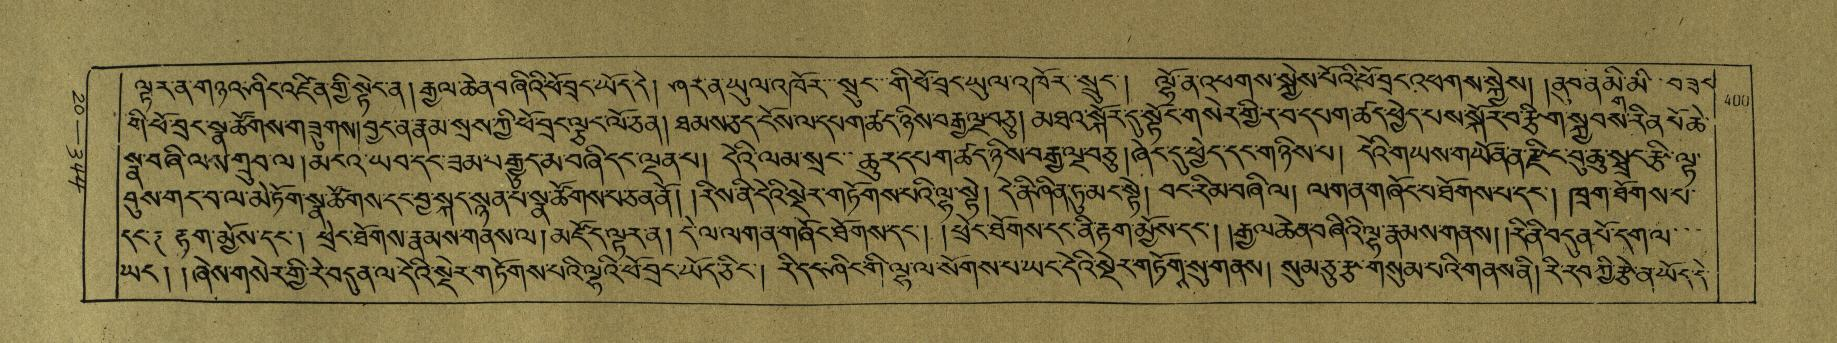ལྟར་ན་གཉའ་ཤིང་འཛིན་གྱི་སྟེང་ན། རྒྱལ་ཆེན་བཞིའི་ཕོ་བྲང་ཡོད་དེ། ཤར་ན་ཡུལ་འཁོར་སྲུང་གི་ཕོ་བྲང་ཡུལ་འཁོར་སྲུང་། ལྷོ་ན་འཕགས་སྐྱེས་པོའི་ཕོ་བྲང་འཕགས་སྐྱེས། །ནུབ་ན་མིག་མི་བཟང་
གི་ཕོ་བྲང་སྣ་ཚོགས་གཟུགས། བྱང་ན་རྣམ་སྲས་ཀྱི་ཕོ་བྲང་ལྕང་ལོ་ཅན། ཐམས་ཅད་ངོས་ལ་དཔག་ཚད་ཉིས་བརྒྱ་ལྔ་བཅུ། མཐའ་སྐོར་དུ་སྟོང་གསེར་གྱི་ར་བ་དཔག་ཚད་ཕྱེད་པས་སྐོར་བ་རྩིག་སྐྱབས་རིན་པོ་ཆེ་
སྣ་བཞི་ལས་གྲུབ་ལ། མངའ་ཡབ་དང་ཟམ་པ་རྒྱུད་མ་བཞི་དང་ལྡན་པ། དེའི་ལམ་སྲང་ཆུར་དཔག་ཚད་ཉིས་བརྒྱ་ལྔ་བཅུ། ཞེང་དུ་ཕྱེད་དང་གཉིས་པ། དེའི་གཡས་གཡོན་ན་རྫིང་བུ་ཆུ་སྦྲང་རྩི་ལྟ་
བུས་གང་བ་ལ་མེ་ཏོག་སྣ་ཚོགས་དང་བྱ་སྐད་སྙན་པ་སྣ་ཚོགས་པ་ཅན་ནོ། །རིས་ནི་དེའི་སྡེར་གཏོགས་པའི་ལྟ་སྟེ། དེ་ནི་ཤིན་ཏུ་མང་སྟེ། བང་རིམ་བཞི་ལ། ལག་ན་གཞོང་པ་ཐོགས་པ་དང་། ཁྲག་ཐོགས་པ་
དང༑ རྟག་མྱོས་དང་། ཕྲེང་ཐོགས་རྣམས་གནས་ལ། མཛོད་ལྟར་ན། དེ་ལ་ལག་ན་གཞོང་ཐོགས་དང་། །ཕྲེང་ཐོགས་དང་ནི་རྟག་མྱོས་དང་། །རྒྱལ་ཆེན་བཞིའི་ལྷ་རྣམས་གནས། །རི་ནི་བདུན་པོ་དག་ལ་
ཡང་། །ཞེས་གསེར་གྱི་རེ་བདུན་ལ་དེའི་སྡེར་གཏོགས་པའི་ལྷའི་ཕོ་བྲང་ཡོད་ཅིང་། རི་དང་ཤིང་གི་ལྷ་ལ་སོགས་པ་ཡང་དེའི་སྡེར་གཏོགས་སུ་གནས། སུམ་ཅུ་རྩ་གསུམ་པའི་གནས་ནི། རི་རབ་ཀྱི་རྩེ་ན་ཡོད་དེ་